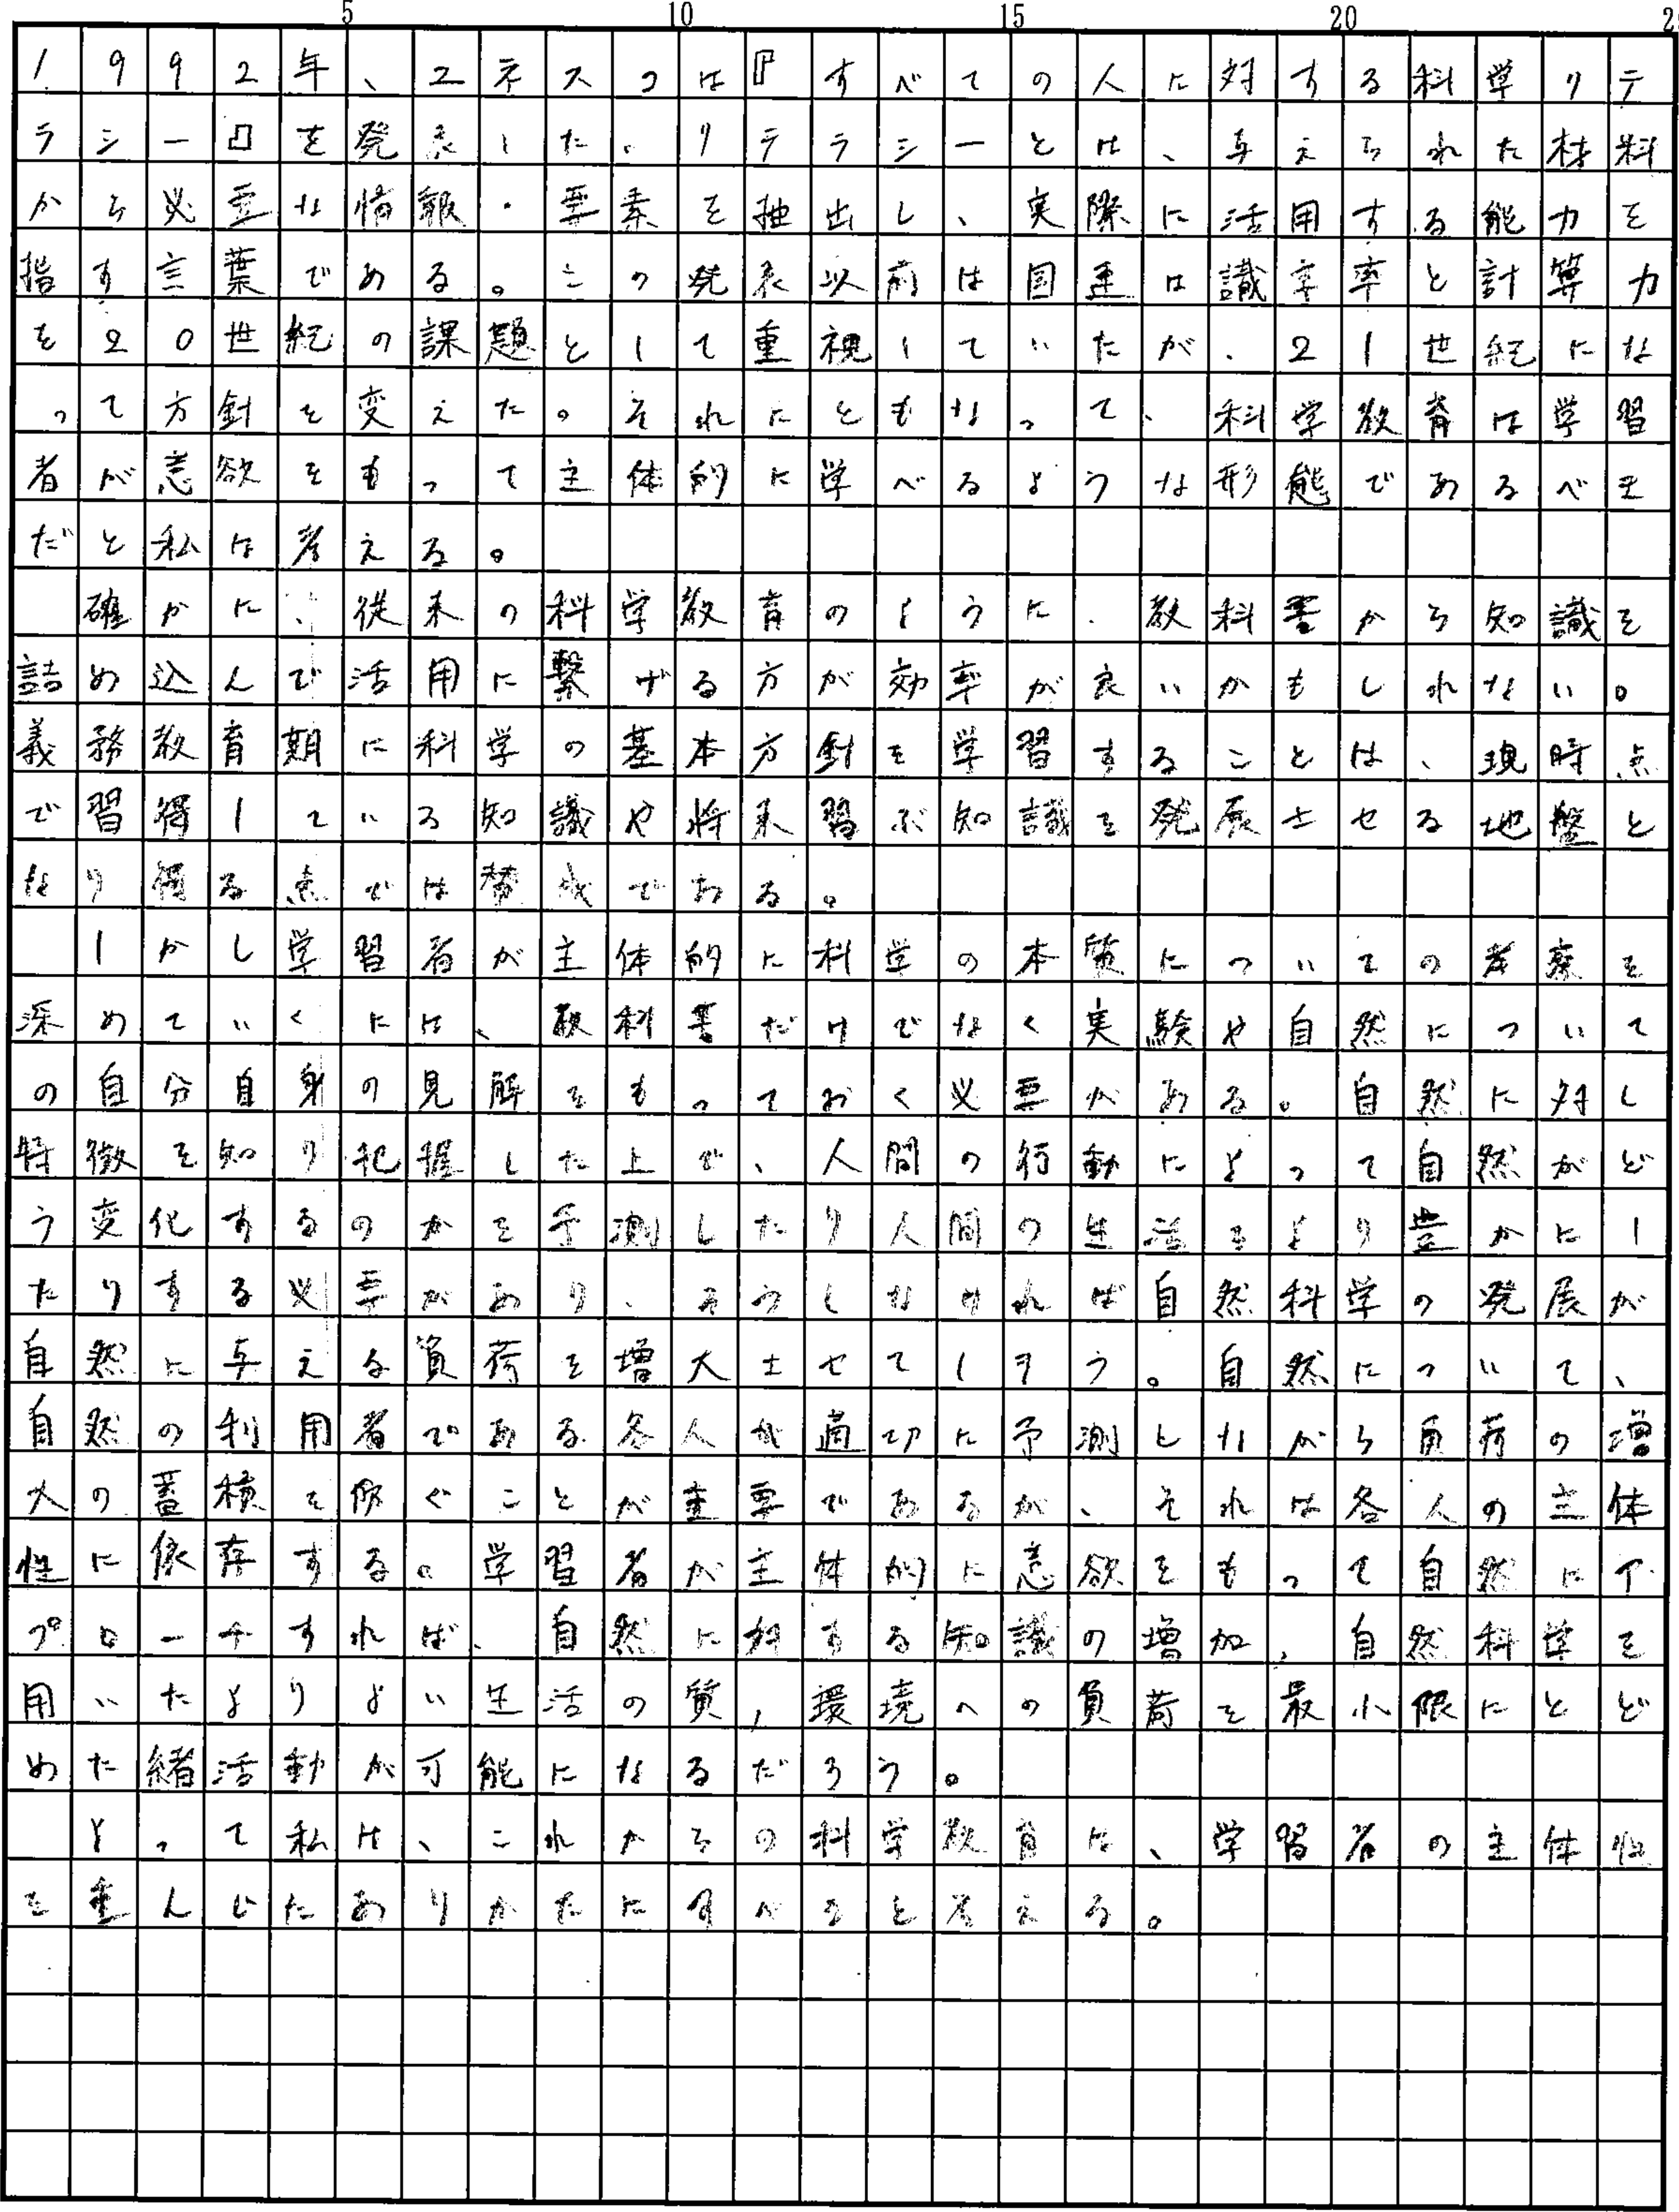１９９２年、ユネスコは『すべての人に対する科学リテラシー』を発表した。リテラシーとは、与えられた材料から必要な情報・要素を抽出し、実際に活用する能力を指す言葉である。この発表以前は国連は識字率と計算力を２０世紀の課題として重視していたが、２１世紀になって方針を変えた。それにともなって、科学教育は学習者が意欲をもって主体的に学べるような形態であるべきだと私は考える。
　確かに、従来の科学教育のように、教科書から知識を詰め込んで活用に繋げる方が効率が良いかもしれない。義務教育期に科学の基本方針を学習することは、現時点で習得している知識や将来習ぶ知識を発展させる地盤となり得る点では賛成である。
　しかし学習者が主体的に科学の本質についての孝察を深めていくには、教科書だけでなく実験や自然についての自分自身の見解をもっておく必要がある。自然に対し特徴を知り把握した上で、人間の行動によって自然がどう変化するのかを予測したり人間の生活をより豊かにしたりする必要があり、そうしなければ自然科学の発展が自然に与える負荷を増大させてしまう。自然について、自然の利用者である各人が適切に予測しながら負荷の増大の蓄積を防ぐことが重要であるが、それは各人の主体性に依存する。学習者が主体的に意欲をもって自然にアプローチすれば、自然に対する知識の増加、自然科学を用いたよりよい生活の質、環境への負荷を最小限にとどめた緒活動が可能になるだろう。
　よって私は、これからの科学教育は、学習者の主体性を重んじたありかたにすべきと考える。
